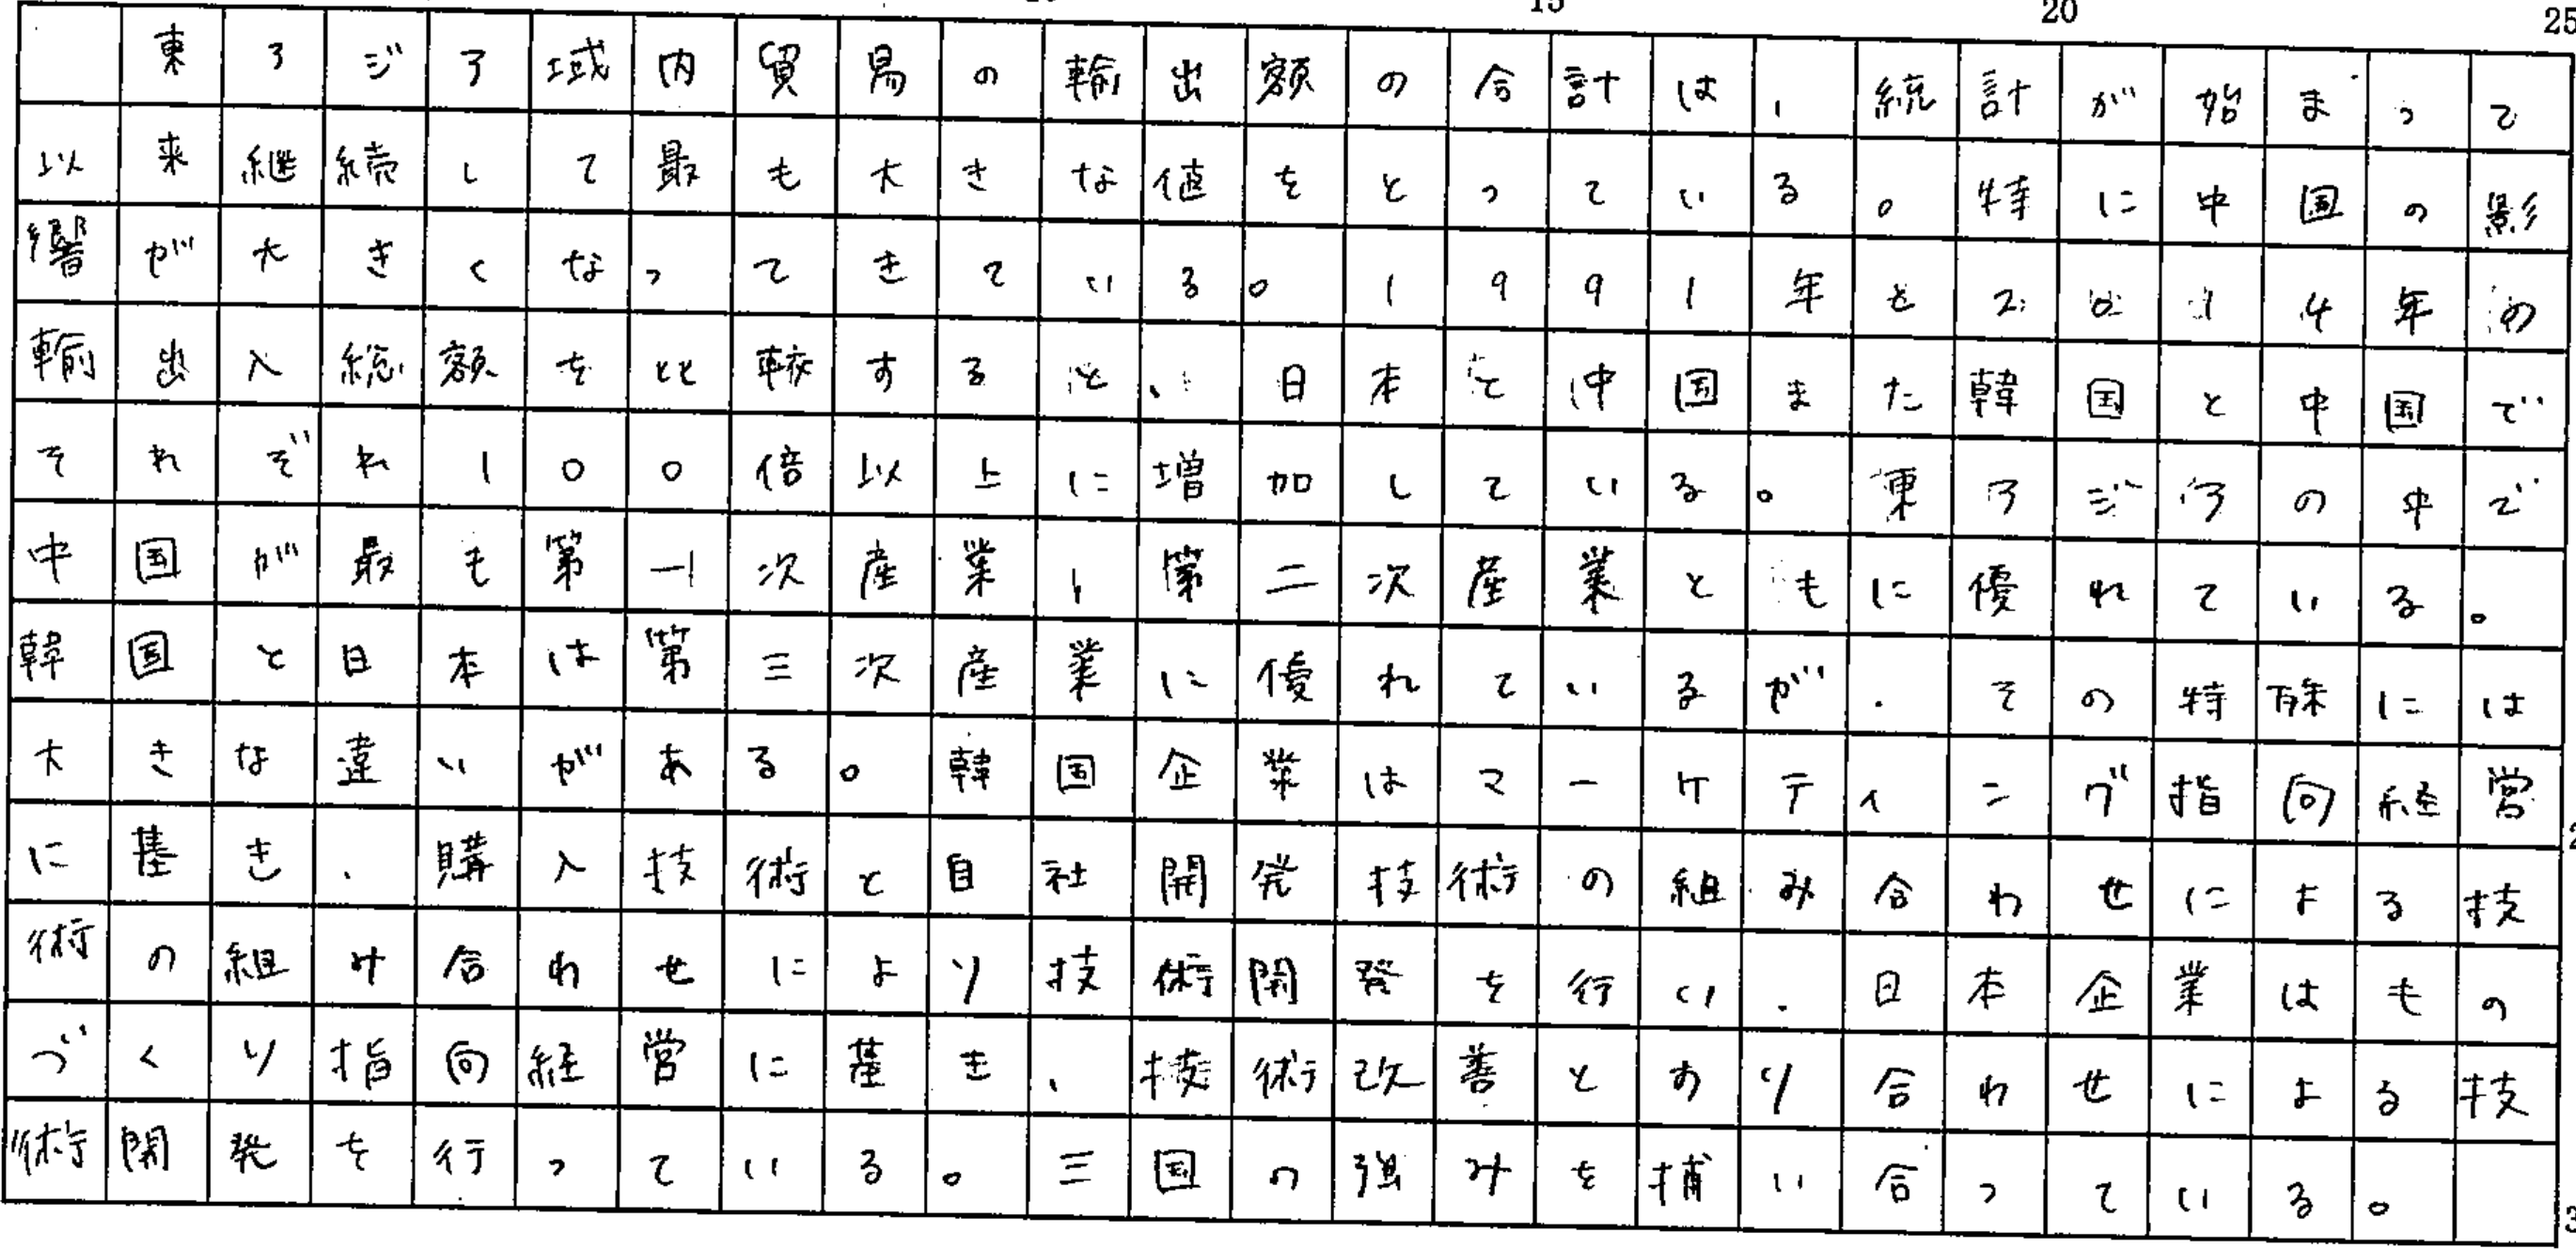　東アジア域内貿易の輸出額の合計は、統計が始まって以来継続して最も大きな値をとっている。特に中国の影響が大きくなってきている。１９９１年と２０１４年の輸出入総額を比較すると、日本と中国また韓国と中国でそれぞれ１００倍以上に増加している。東アジアの中で中国が最も第一次産業、第二次産業ともに優れている。韓国と日本は第三次産業に優れているが、その特殊には大きな違いがある。韓国企業はマーケティング指向経営に基き、購入技術と自社開発技術の組み合わせによる技術の組み合わせにより技術開発を行い、日本企業はものづくり指向経営に基き、技術改善とすり合わせによる技術開発を行っている。三国の強みを捕い合っている。
